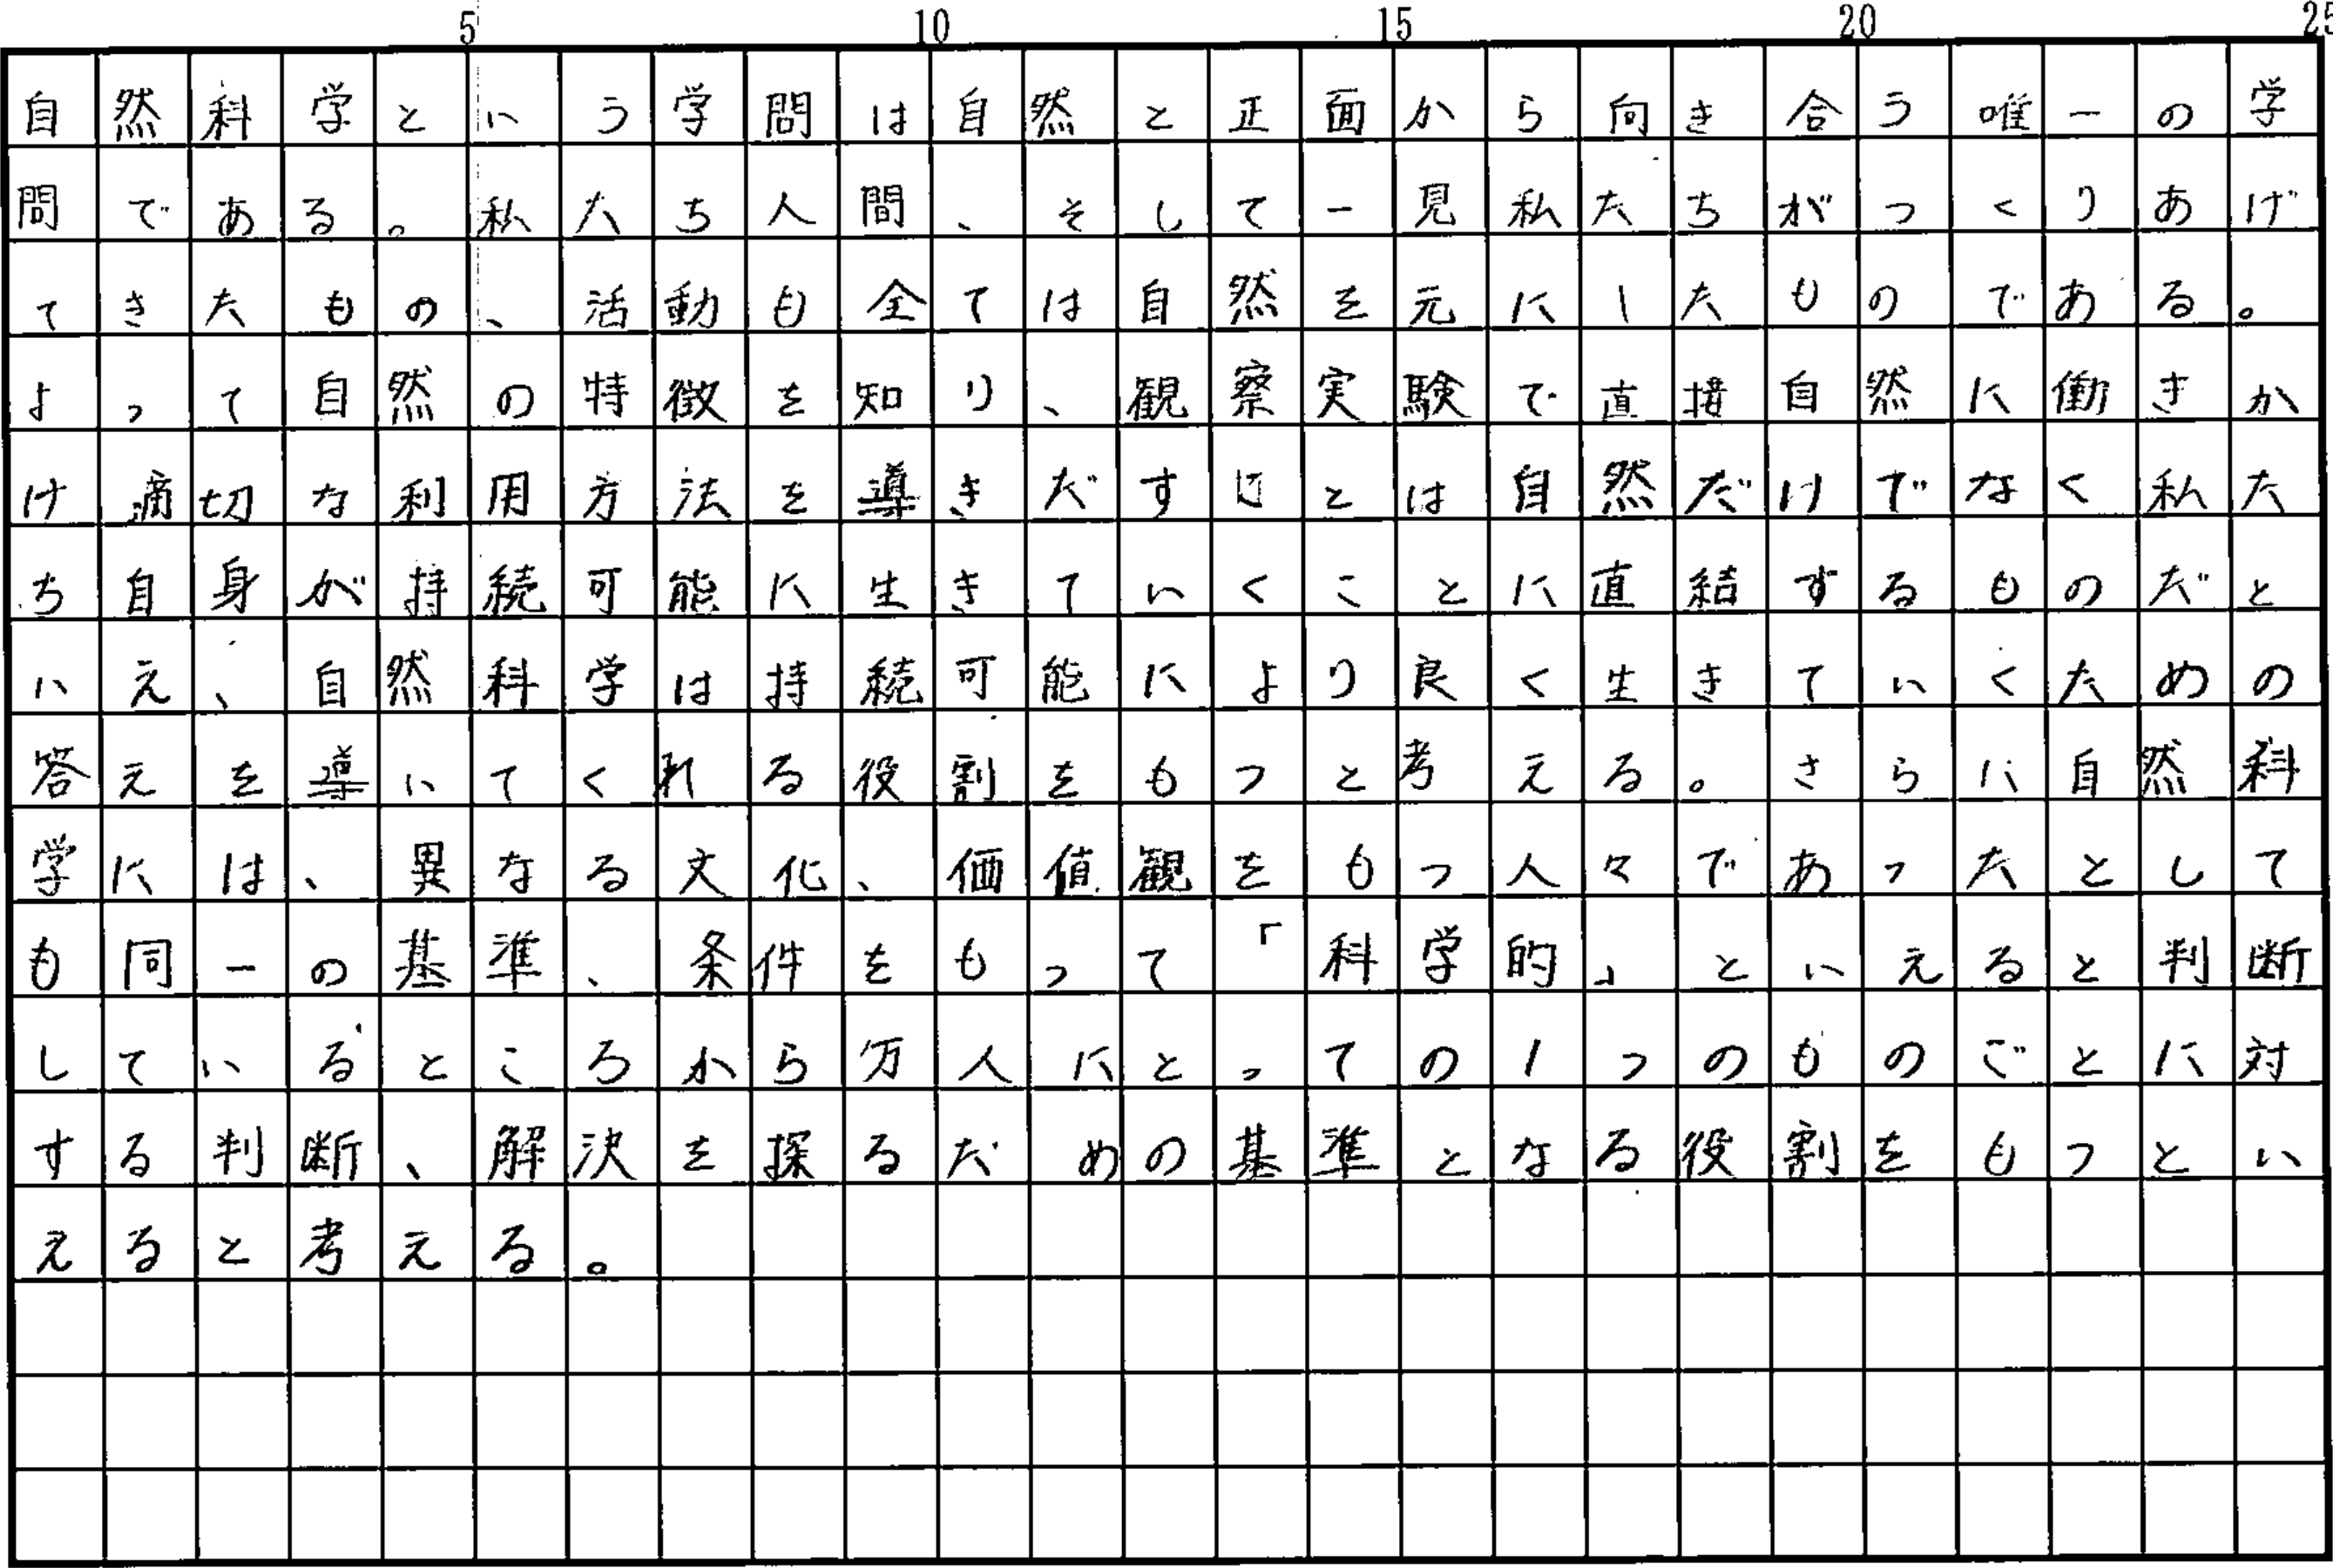自然科学という学問は自然と正面から向き合う唯一の学問である。私たち人間、そして一見私たちがつくりあげてきたもの、活動も全ては自然を元にしたものである。よって自然の特徴を知り、観察実験で直接自然に働きかけ適切な利用方法を導きだすことは自然だけでなく私たち自身が持続可能に生きていくことに直結するものだといえ、自然科学は持続可能により良く生きていくための答えを導いてくれる役割をもつと考える。さらに自然科学には、異なる文化、価値観をもつ人々であったとしても同一の基準、条件をもって「科学的」といえると判断しているところから万人にとっての１つのものごとに対する判断、解決を探るための基準となる役割をもつといえると考える。
